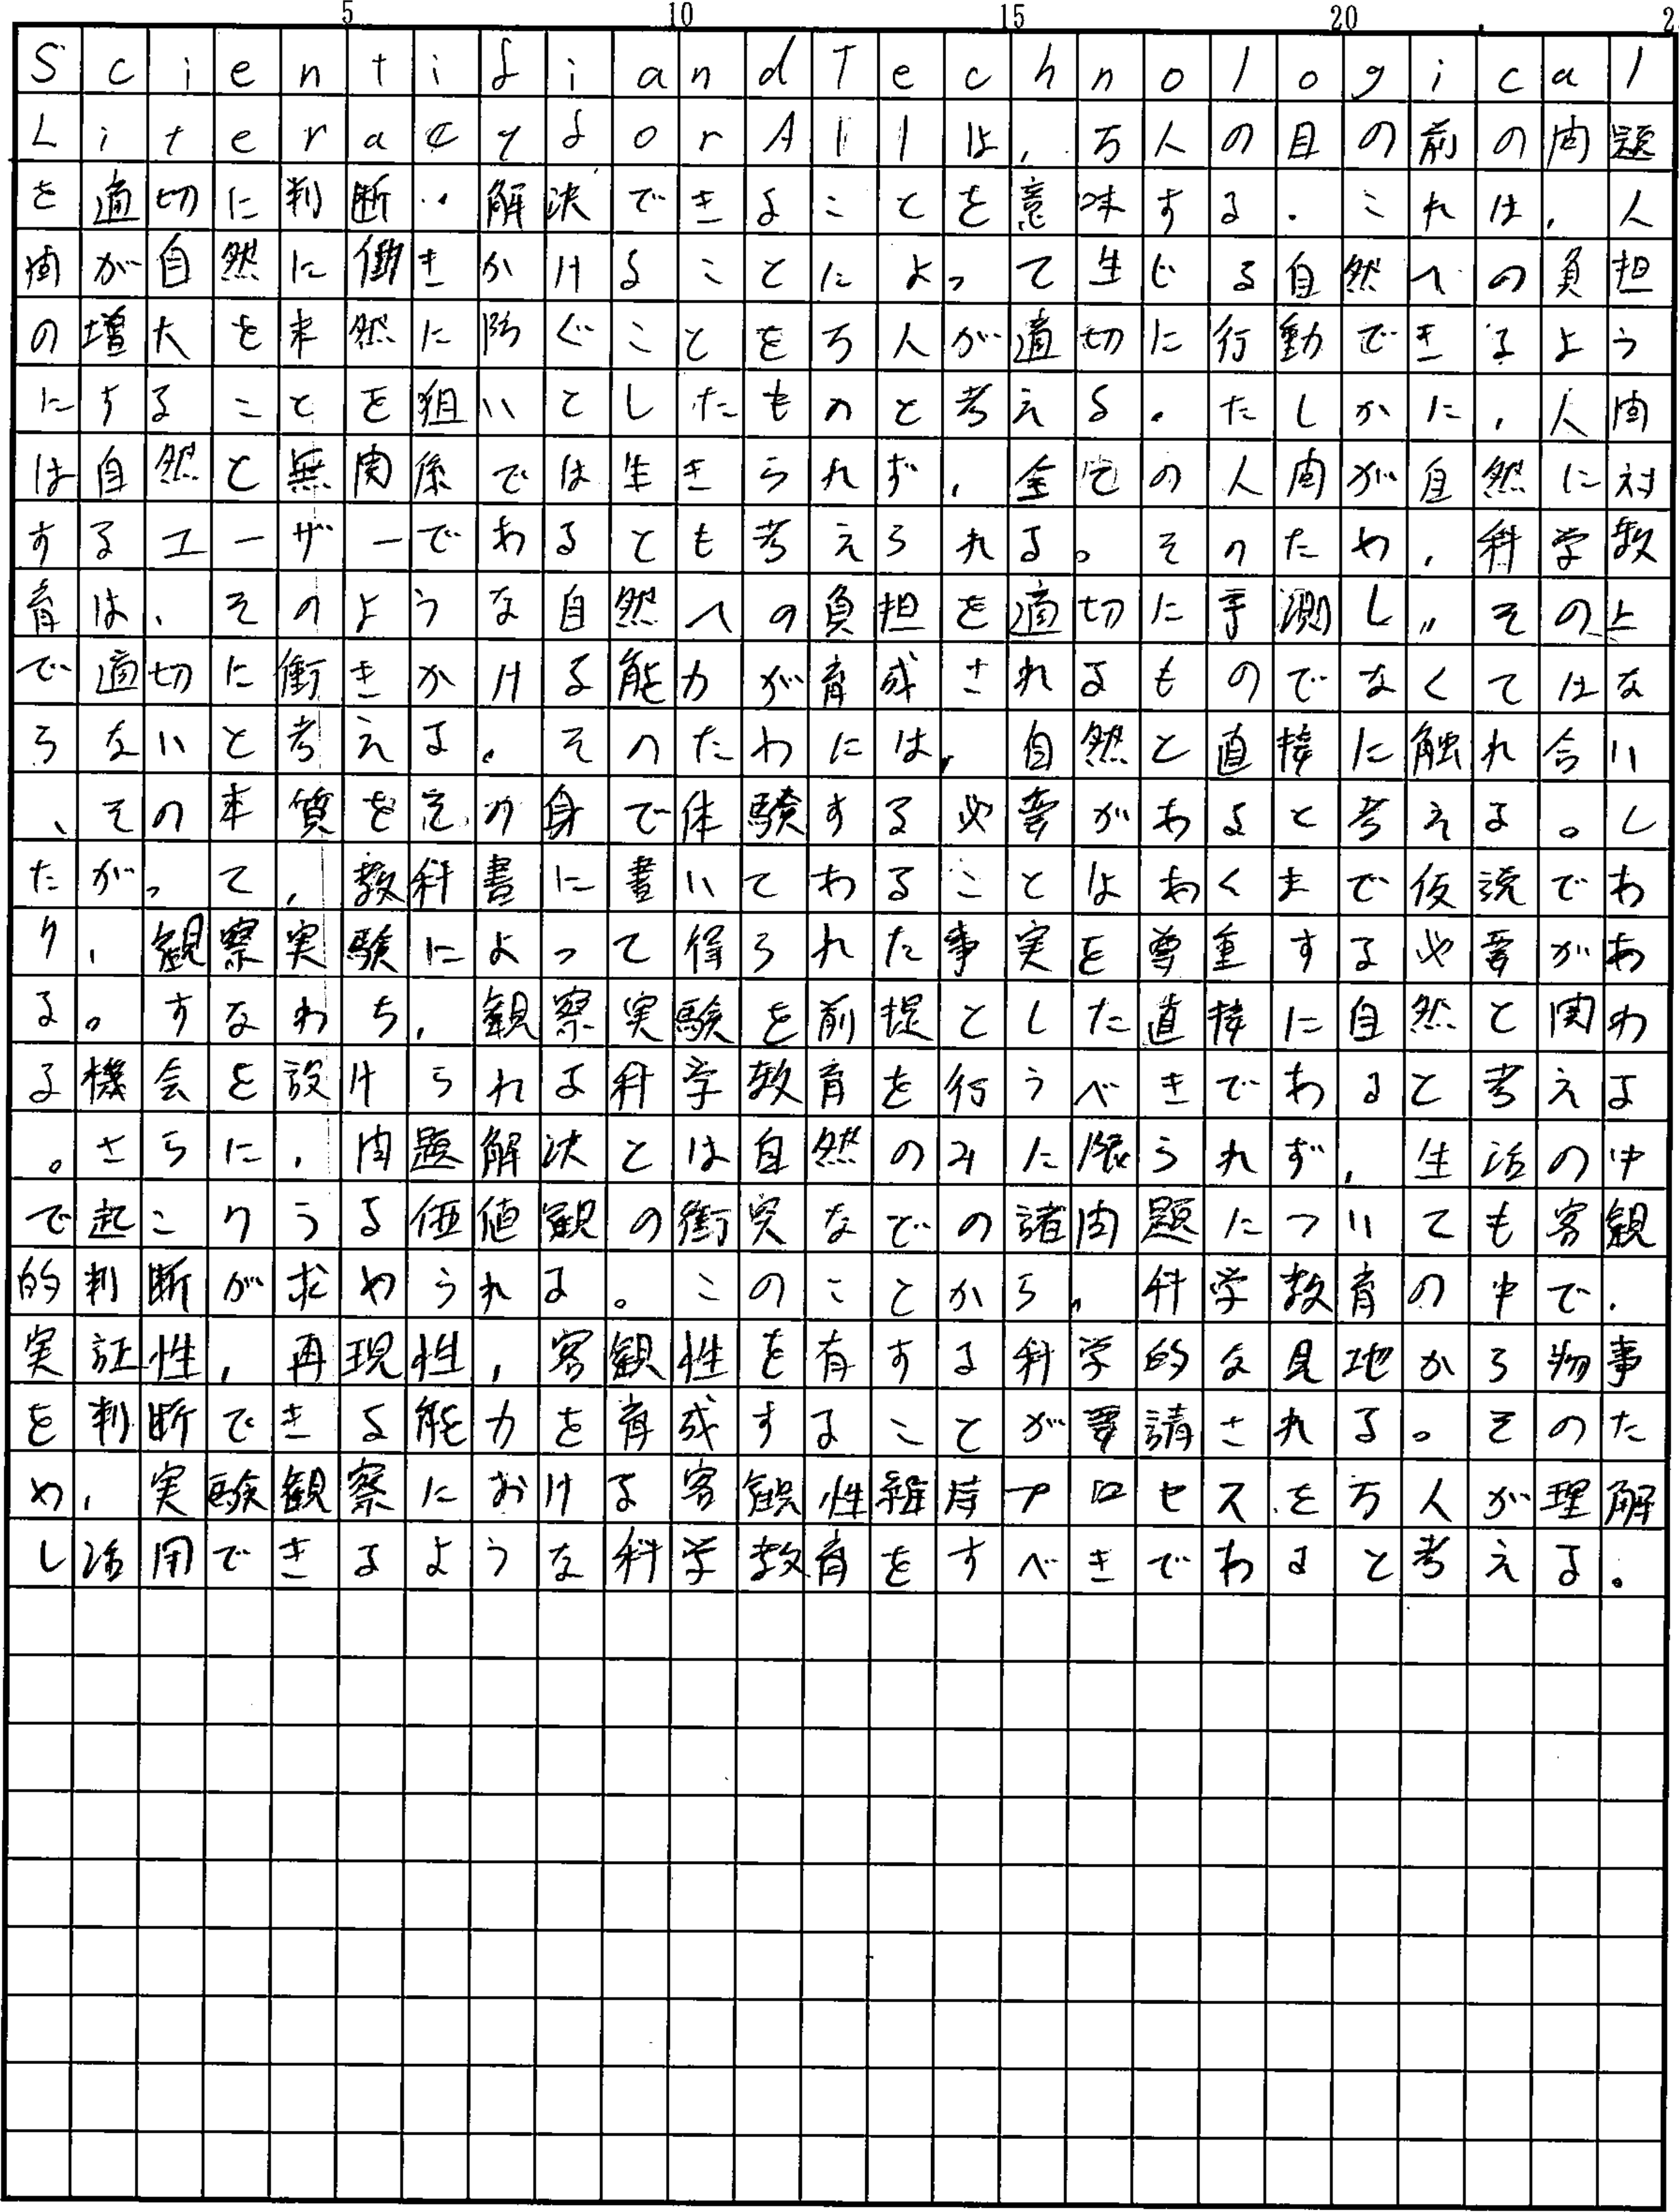ＳｃｉｅｎｔｉｆｉａｎｄＴｅｃｈｎｏｌｏｇｉｃａｌＬｉｔｅｒａｃｙｆｏｒＡｌｌは、万人の目の前の問題を適切に判断・解決できることを意味する。これは、人間が自然に働きかけることによって生じる自然への負担の増大を未然に防ぐことを万人が適切に行動できるようにすることを狙いとしたものと考える。たしかに、人間は自然と無関係では生きられず、全ての人間が自然に対するユーザーであるとも考えられる。そのため、科学教育は、そのような自然への負担を適切に予測し、その上で適切に衝きかける能力が育成されるものでなくてはならないと考える。そのためには、自然と直接に触れ合い、その本質をその身で体験する必要があると考える。したがって、教科書に書いてあることはあくまで仮説であり、観察実験によって得られた事実を尊重する必要がある。すなわち、観察実験を前提とした直接に自然と関わる機会を設けられる科学教育を行うべきであると考える。さらに、問題解決とは自然のみに限られず、生活の中で起こりうる価値観の衝突などの諸問題についても客観的判断が求められる。このことから、科学教育の中で、実証性、再現性、客観性を有する科学的な見地から物事を判断できる能力を育成することが要請される。そのため、実験観察における客観性維持プロセスを万人が理解し活用できるような科学教育をすべきであると考える。
